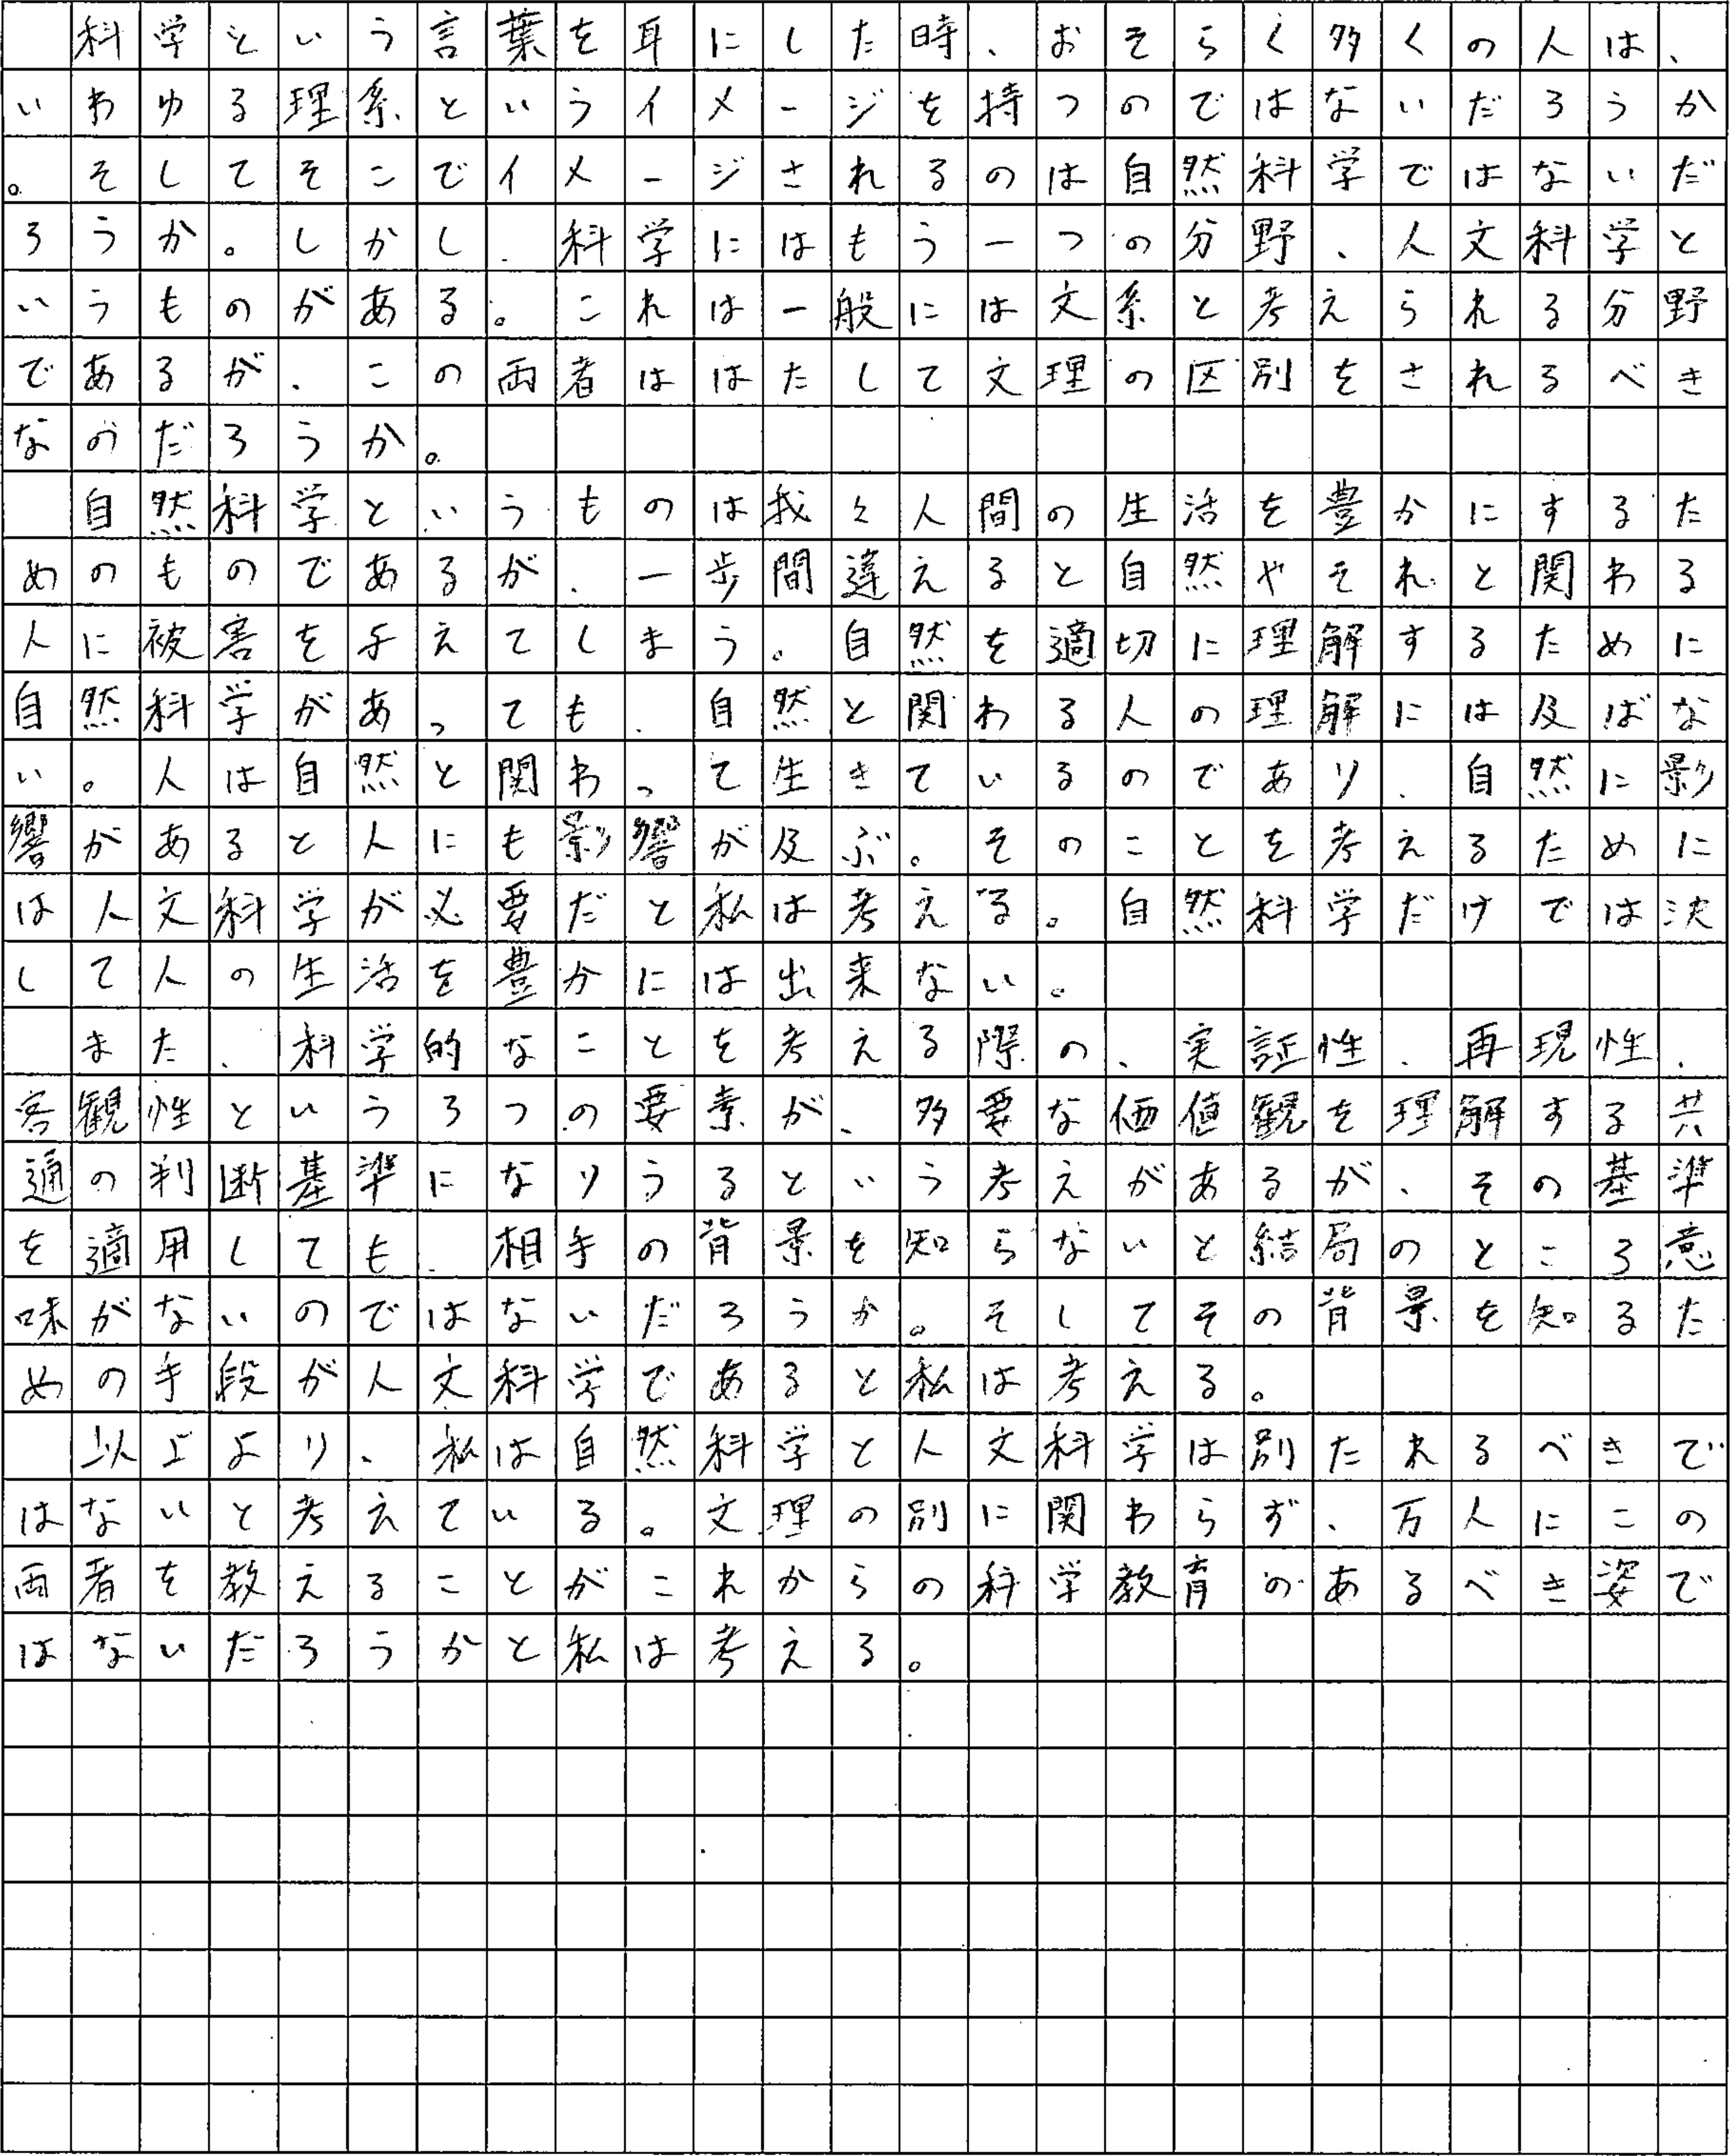　科学という言葉を耳にした時、おそらく多くの人は、いわゆる理系というイメージを持つのではないだろうか。そしてそこでイメージされるのは自然科学ではないだろうか。しかし、科学にはもう一つの分野、人文科学というものがある。これは一般には文系と考えられる分野であるが、この両者ははたして文理の区別をされるべきなのだろうか。
　自然科学というものは我々人間の生活を豊かにするためのものであるが、一歩間違えると自然やそれと関わる人に被害を与えてしまう。自然を適切に理解するために自然科学があっても、自然と関わる人の理解には及ばない。人は自然と関わって生きているのであり、自然に影響があると人にも影響が及ぶ。そのことを考えるためには人文科学が必要だと私は考える。自然科学だけでは決して人の生活を豊かには出来ない。
　また、科学的なことを考える際の、実証性、再現性、客観性という３つの要素が、多要な価値観を理解する共通の判断基準になりうるという考えがあるが、その基準を適用しても、相手の背景を知らないと結局のところ意味がないのではないだろうか。そしてその背景を知るための手段が人文科学であると私は考える。
　以上より、私は自然科学と人文科学は別たれるべきではないと考えている。文理の別に関わらず、万人にこの両者を教えることがこれからの科学教育のあるべき姿ではないだろうかと私は考える。
